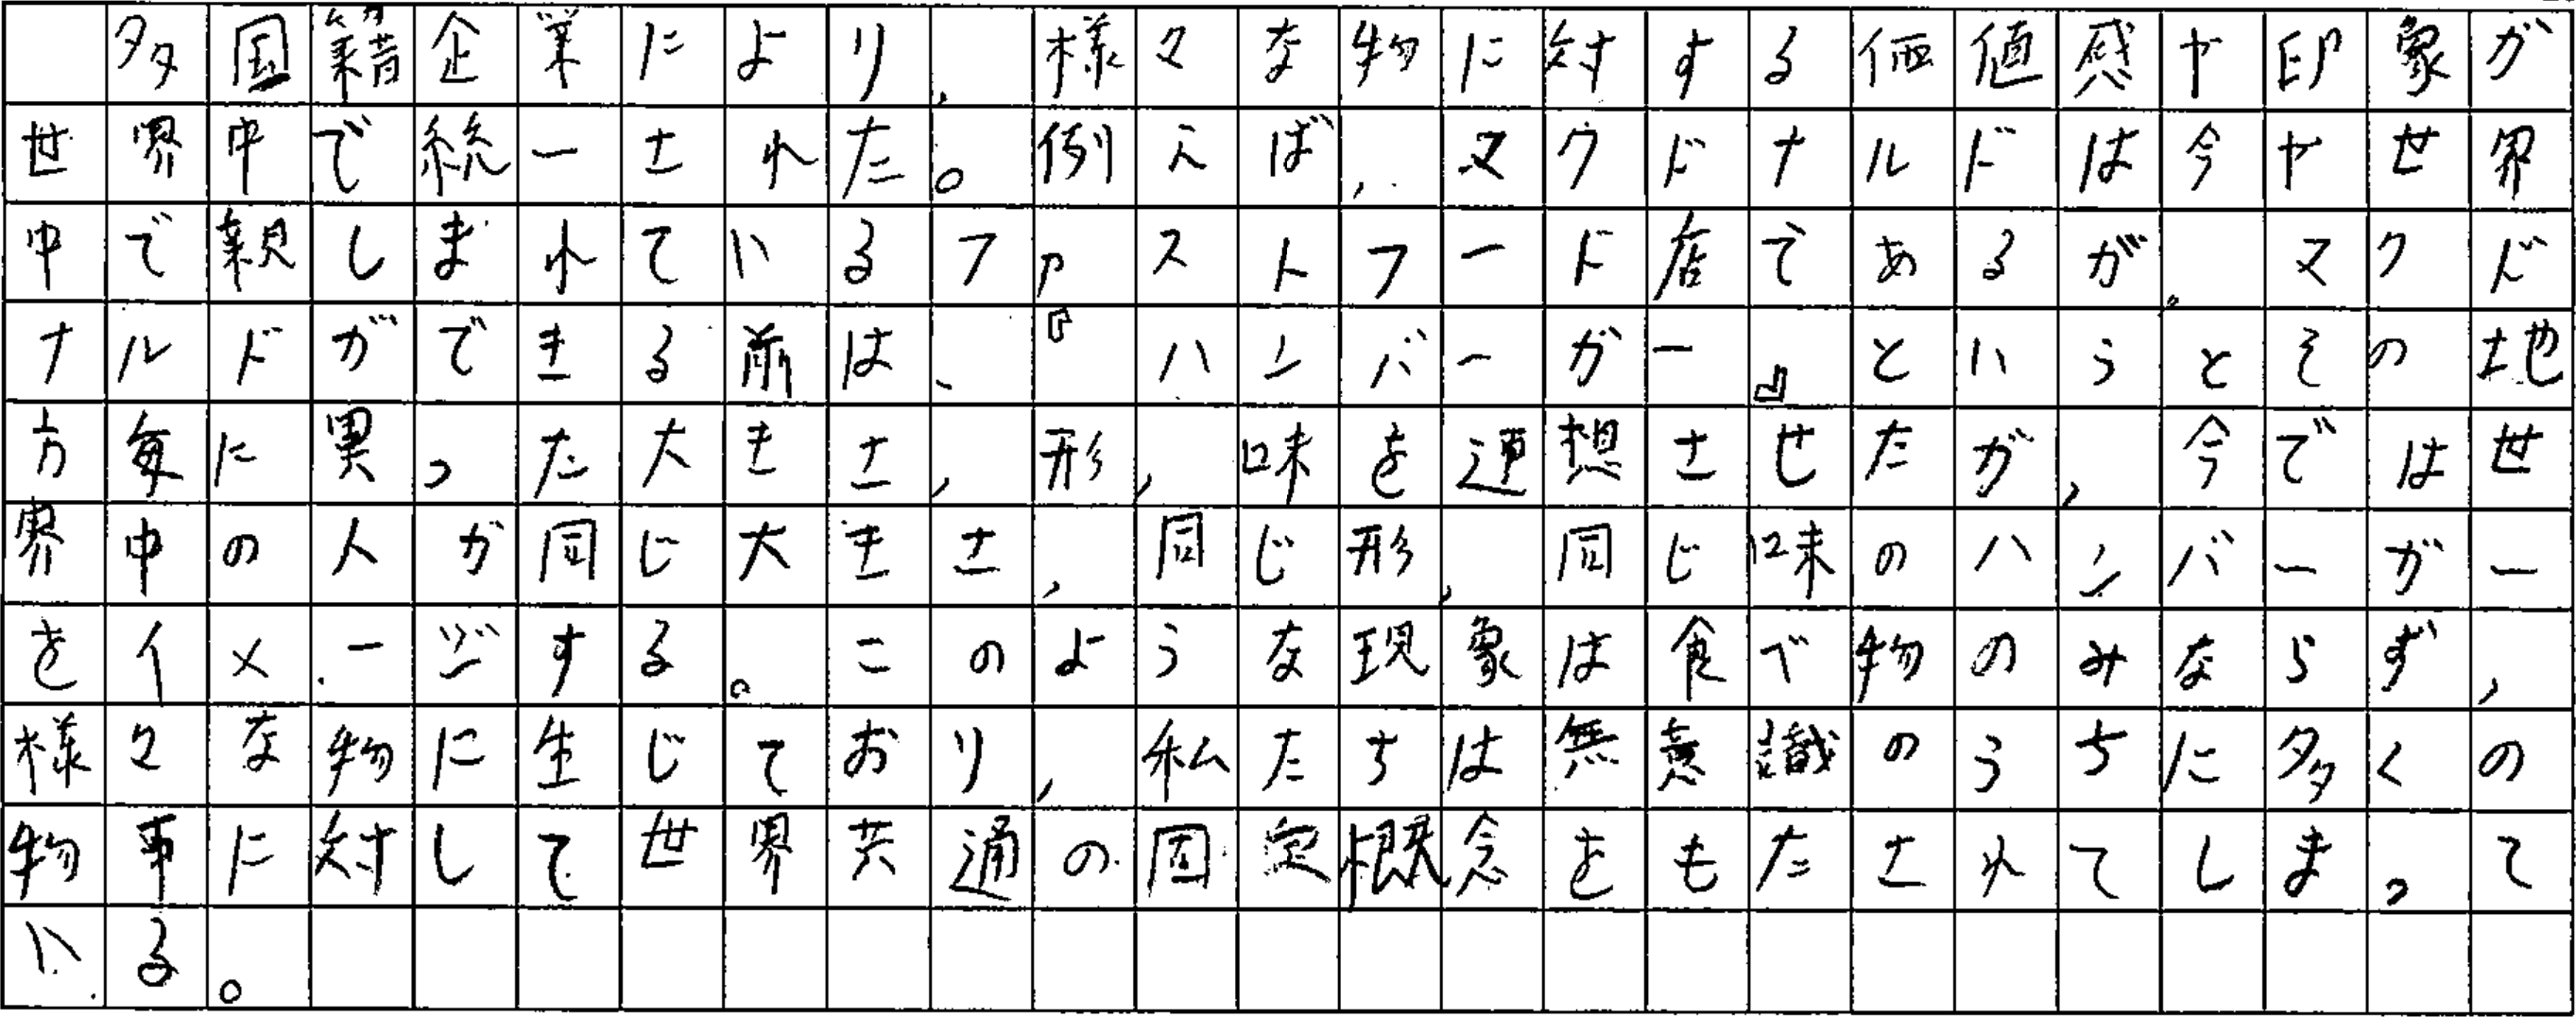　多国籍企業により、様々な物に対する価値感や印象が世界中で統一された。例えば、マクドナルドは今や世界中で親しまれているファストフード店であるが、マクドナルドができる前は、『ハンバーガー』というとその地方毎に異った大きさ、形、味を連想させたが、今では世界中の人が同じ大きさ、同じ形、同じ味のハンバーガーをイメージする。このような現象は食べ物のみならず、様々な物に生じており、私たちは無意識のうちに多くの物事に対して世界共通の固定概念をもたされてしまっている。
